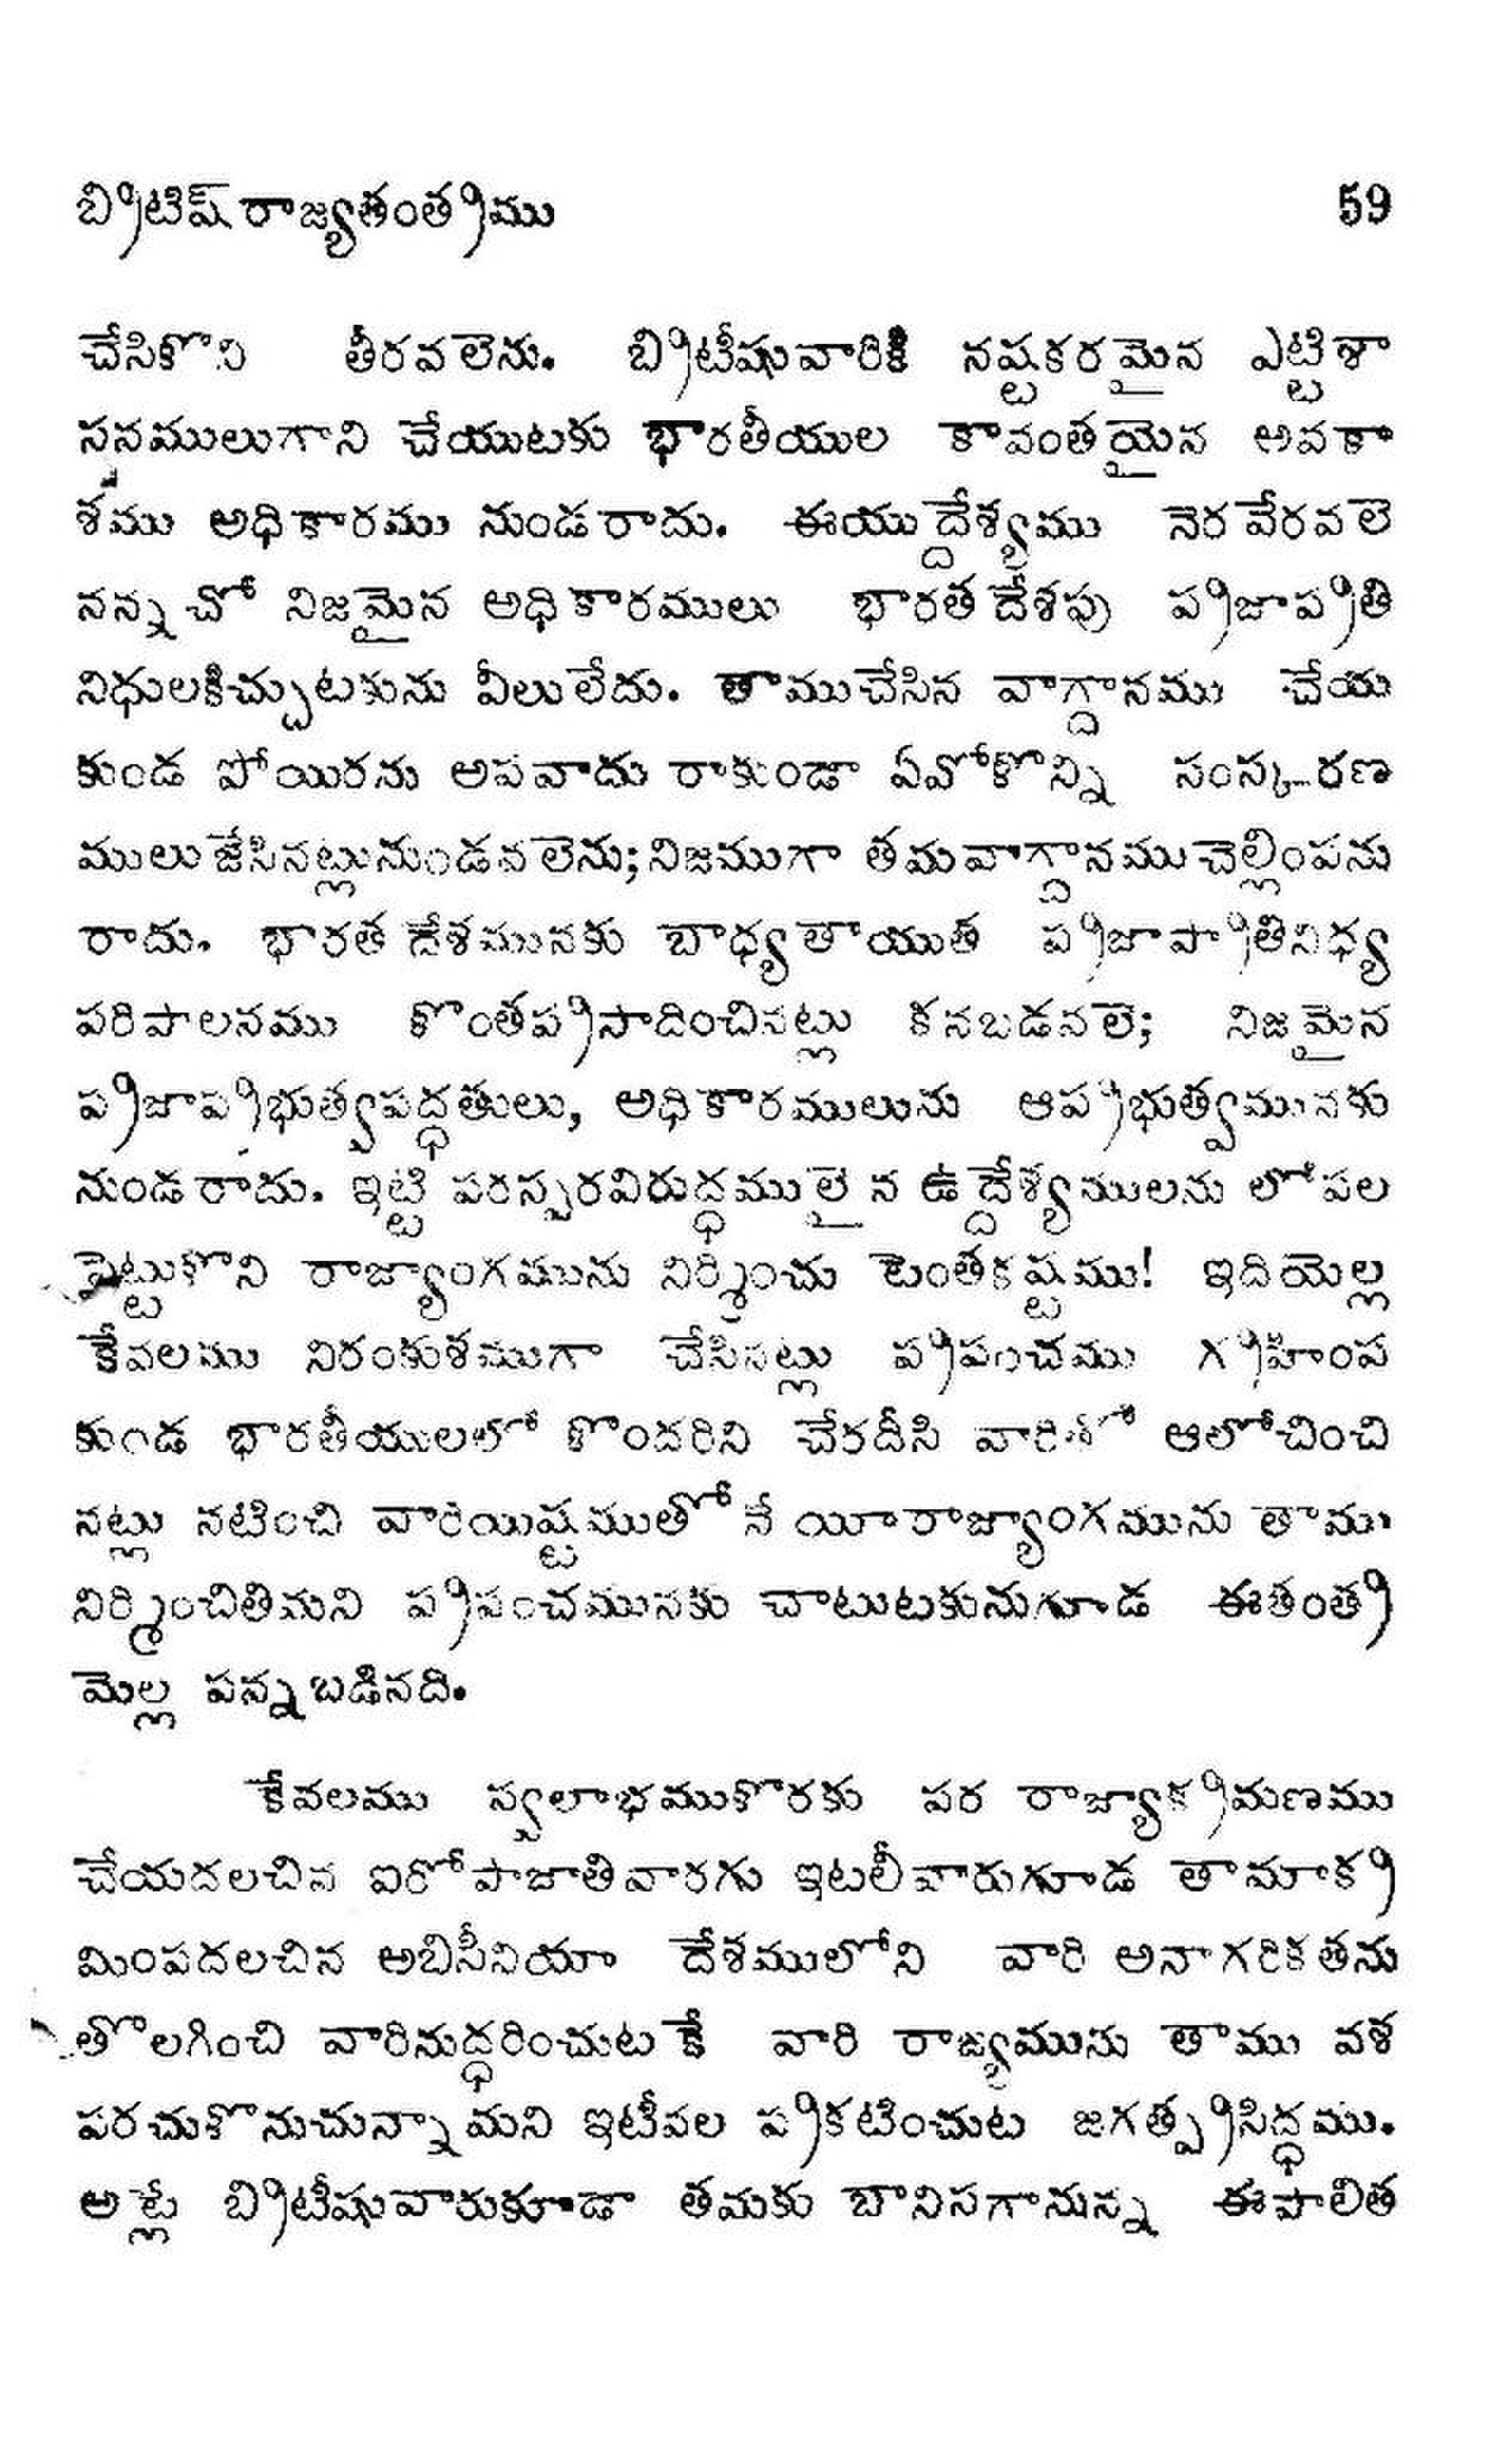చేసికొని తీరవలెను. బ్రిటీషువారికి నష్టకరమైన ఎట్టిశాసనములుగాని చేయుటకు భారతీయుల కావంతయైన అవకాశము అధికారము నుండరాదు. ఈయుద్దేశ్యము నెరవేరవలె నన్నచో నిజమైన అధికారములు భారతదేశపు ప్రజాపతి నిధులకిచ్చుటకును వీలులేదు. తాముచేసిన వాగ్దానము చేయకుండ పోయిరను అపవాదు రాకుండా ఏవోకొన్ని సంస్కరణములు జేసినట్లునుండవలెను; నిజముగా తమవాగ్దానము చెల్లింపనురాదు. భారతదేశమునకు బాధ్యతాయుత ప్రజాప్రాతినిధ్య పరిపాలనము కొంతప్రసాదించినట్లు కనబడవలె; నిజమైన ప్రజాప్రభుత్వపద్ధతులు, అధికారములును ఆప్రభుత్వమునకు నుండరాదు. ఇట్టి పరస్పరవిరుద్ధములైన ఉద్దేశ్యములను లోపల పెట్టుకొని రాజ్యాంగమును నిర్మించు టెంతకష్టము! ఇదియెల్ల కేవలము నిరంకుశముగా చేసినట్లు ప్రపంచము గ్రహింపకుండ భారతీయులలో కొందరిని చేరదీసి వారితో ఆలోచించినట్లు నటించి వారియిష్టముతోనే యీరాజ్యాంగమును తాము నిర్మించితిమని ప్రపంచమునకు చాటుటకునుగూడ ఈతంత్రమెల్ల పన్న బడినది.

కేవలము స్వలాభముకొరకు పర రాజ్యాక్రమణము చేయదలచిన ఐరోపాజాతివారగు ఇటలీవారుగూడ తామాక్ర మింపదలచిన అబిసీనియా దేశములోని వారి అనాగరికతను తొలగించి వారినుద్దరించుట కే వారి రాజ్యమును తాము వశపరచుకొనుచున్నామని ఇటీవల ప్రకటించుట జగత్ప్రసిద్ధము. అట్లే బ్రిటీషువారుకూడా తమకు బానిసగానున్న ఈపాలిత